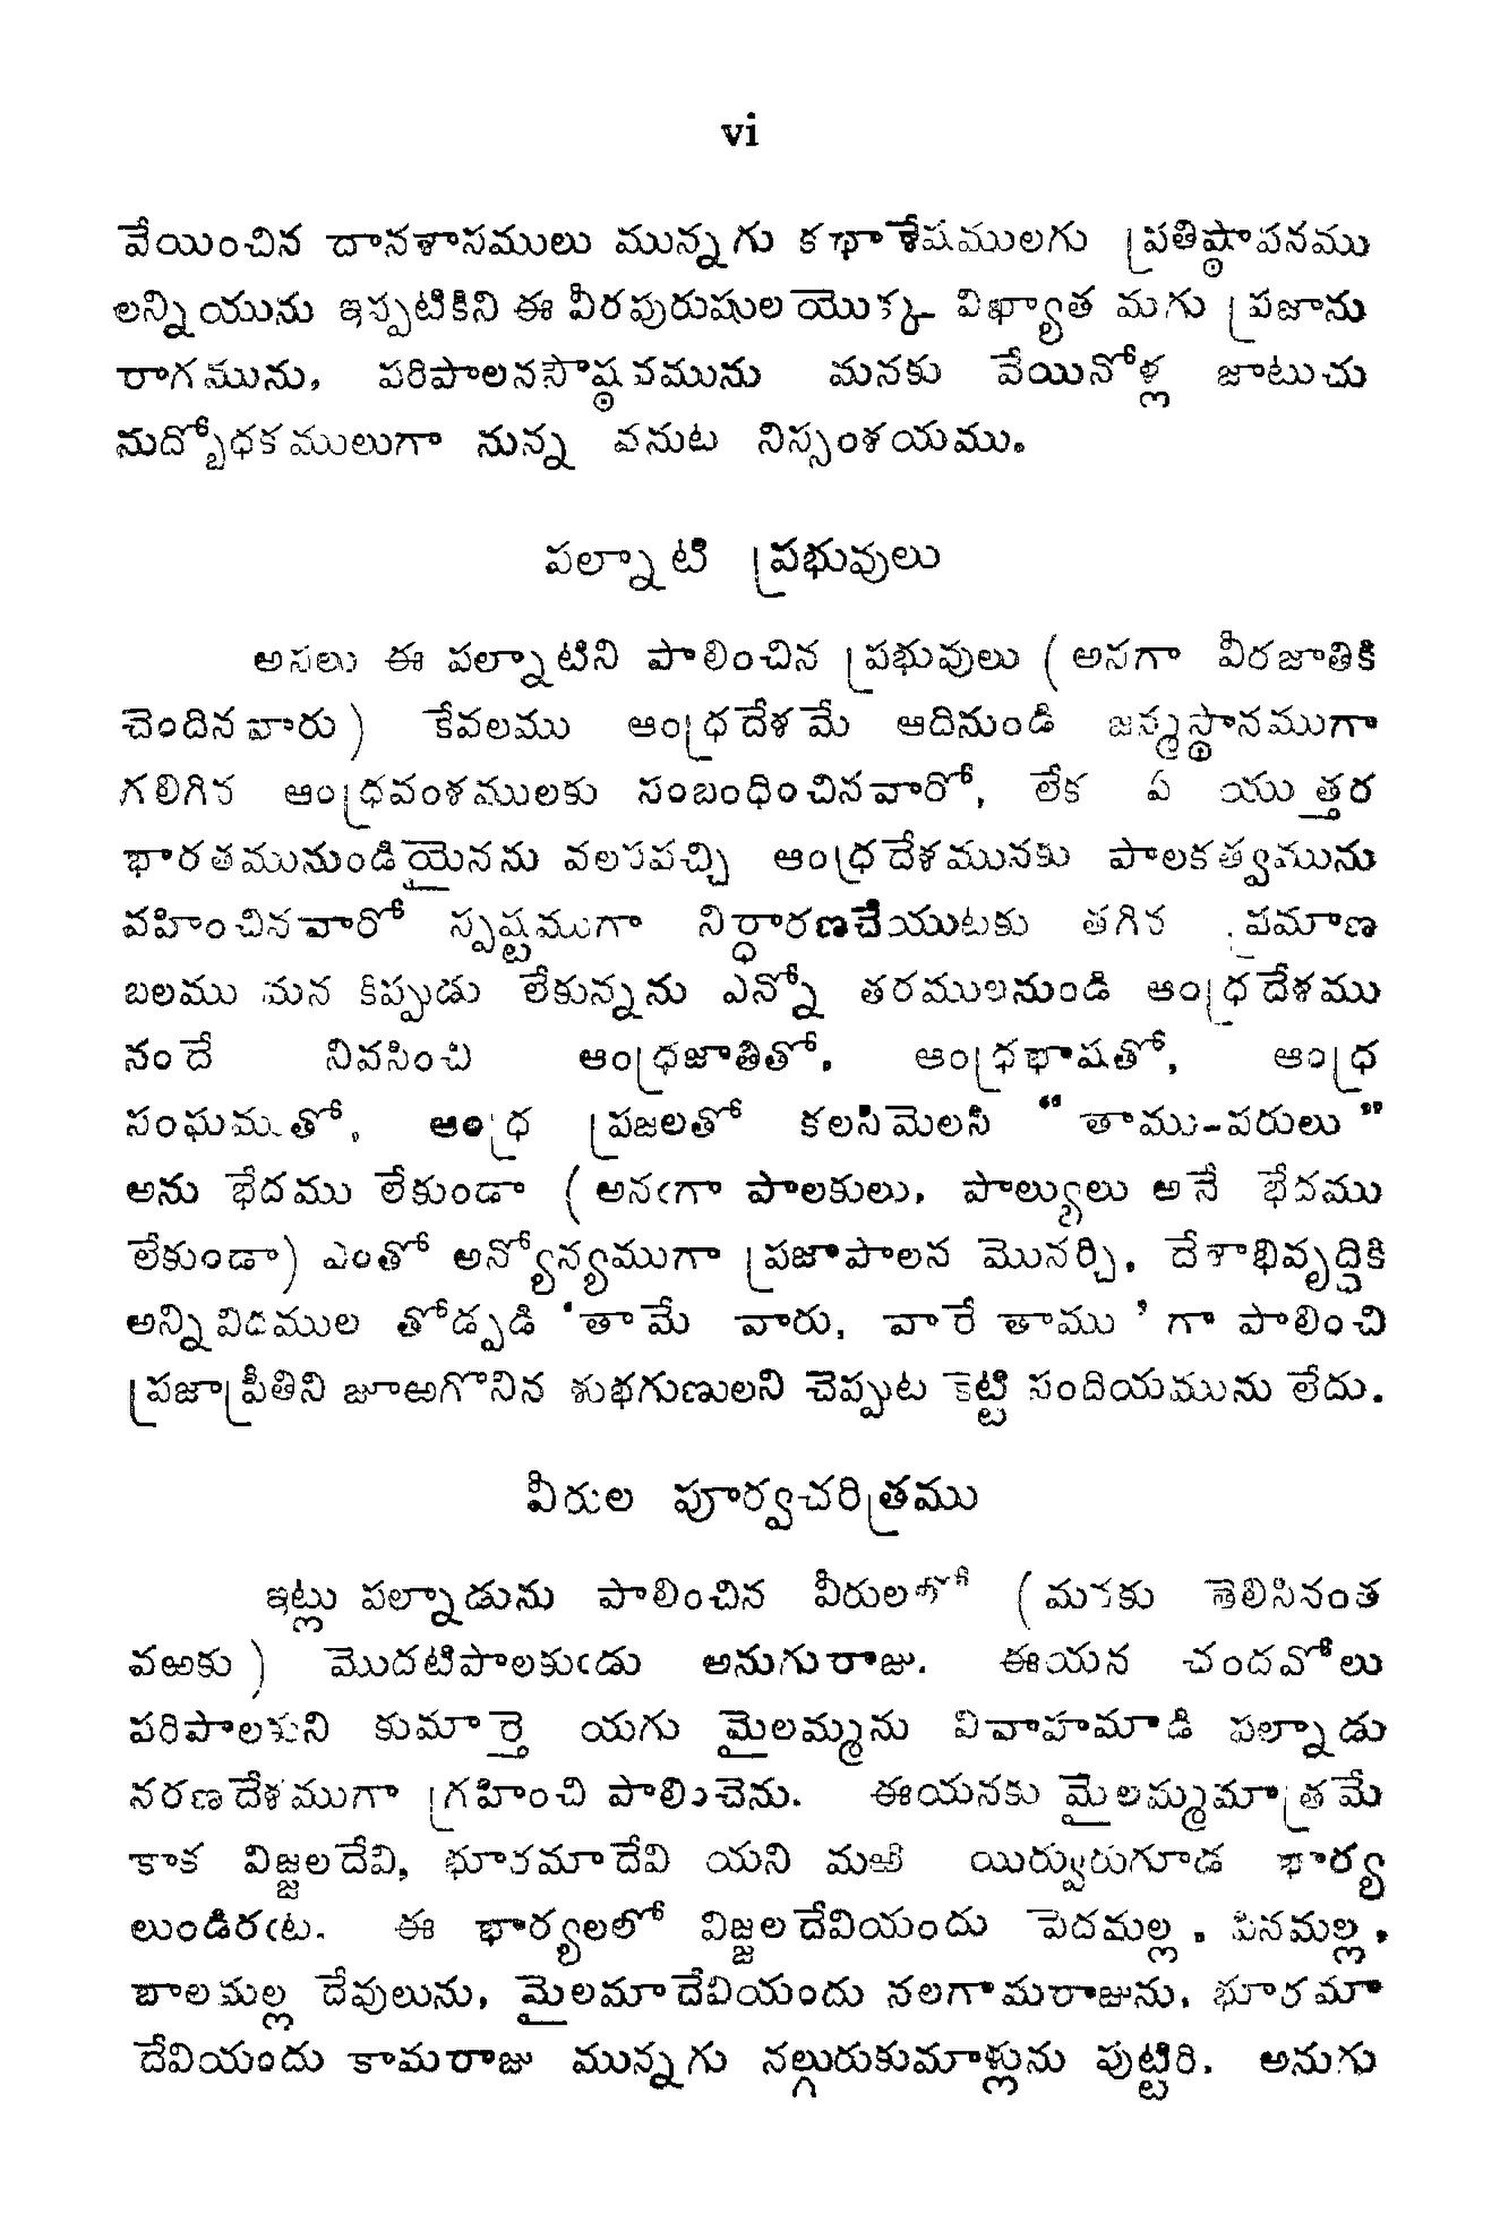వేయించిన దానశాసములు మున్నగు కథాశేషములగు ప్రతిష్ఠాపనము లన్నియును ఇప్పటికిని ఈ వీరపురుషుల యొక్క విఖ్యాత మగు ప్రజానురాగమును, పరిపాలనసౌష్ఠవమును మనకు వేయినోళ్ల జాటుచు నుద్బోధకములుగా నున్న వనుట నిస్సంశయము.

అసలు ఈ పల్నాటిని పాలించిన ప్రభువులు ( అనగా వీరజాతికి చెందిన వారు) కేవలము ఆంధ్రదేశమే ఆదినుండి జన్మస్థానముగా గలిగిన ఆంధ్రవంశములకు సంబంధించినవారో, లేక ఏ యుత్తర భారతమునుండియైనను వలసవచ్చి ఆంధ్రదేశమునకు పాలకత్వమును వహించినవారో స్పష్టముగా నిర్ధారణచేయుటకు తగిన ప్రమాణ బలము మన కిప్పుడు లేకున్నను ఎన్నో తరములనుండి ఆంధ్రదేశమునందే నివసించి ఆంధ్రజాతితో, ఆంధ్రభాషతో, ఆంధ్రసంఘముతో,
ఆంధ్ర ప్రజలతో కలసిమెలసి "తాము - పరులు" అను భేదము లేకుండా (అనఁగా పాలకులు, పాల్యులు అనే భేదము లేకుండా) ఎంతో అన్యోన్యముగా ప్రజాపాలన మొనర్చి, దేశాభివృద్ధికి
అన్నివిదముల తోడ్పడి 'తామే వారు, వారే తాము' గా పాలించి ప్రజాప్రీతిని జూఱగొనిన శుభగుణులని చెప్పుట కెట్టి సందియమును లేదు.

ఇట్లు పల్నాడును పాలించిన వీరులలో (మనకు తెలిసినంత వఱకు ) మొదటిపాలకుఁడు అనుగురాజు. ఈయన చందవోలు పరిపాలకుని కుమార్తె యగు మైలమ్మను వివాహమాడి పల్నాడు
నరణదేశముగా గ్రహించి పాలించెను. ఈయనకు మైలమ్మ మాత్రమే కాక విజ్జలదేవి, భూరమాదేవి యని మఱి యిర్వురుగూడ భార్య లుండిరఁట, ఈ భార్యలలో విజ్జలదేవియందు పెదమల్ల , పినమల్ల ,
బాలమల్ల దేవులును, మైలమాదేవియందు నలగామరాజును, భూరమా దేవియందు కామరాజు మున్నగు నల్గురుకుమాళ్లును పుట్టిరి. అనుగు